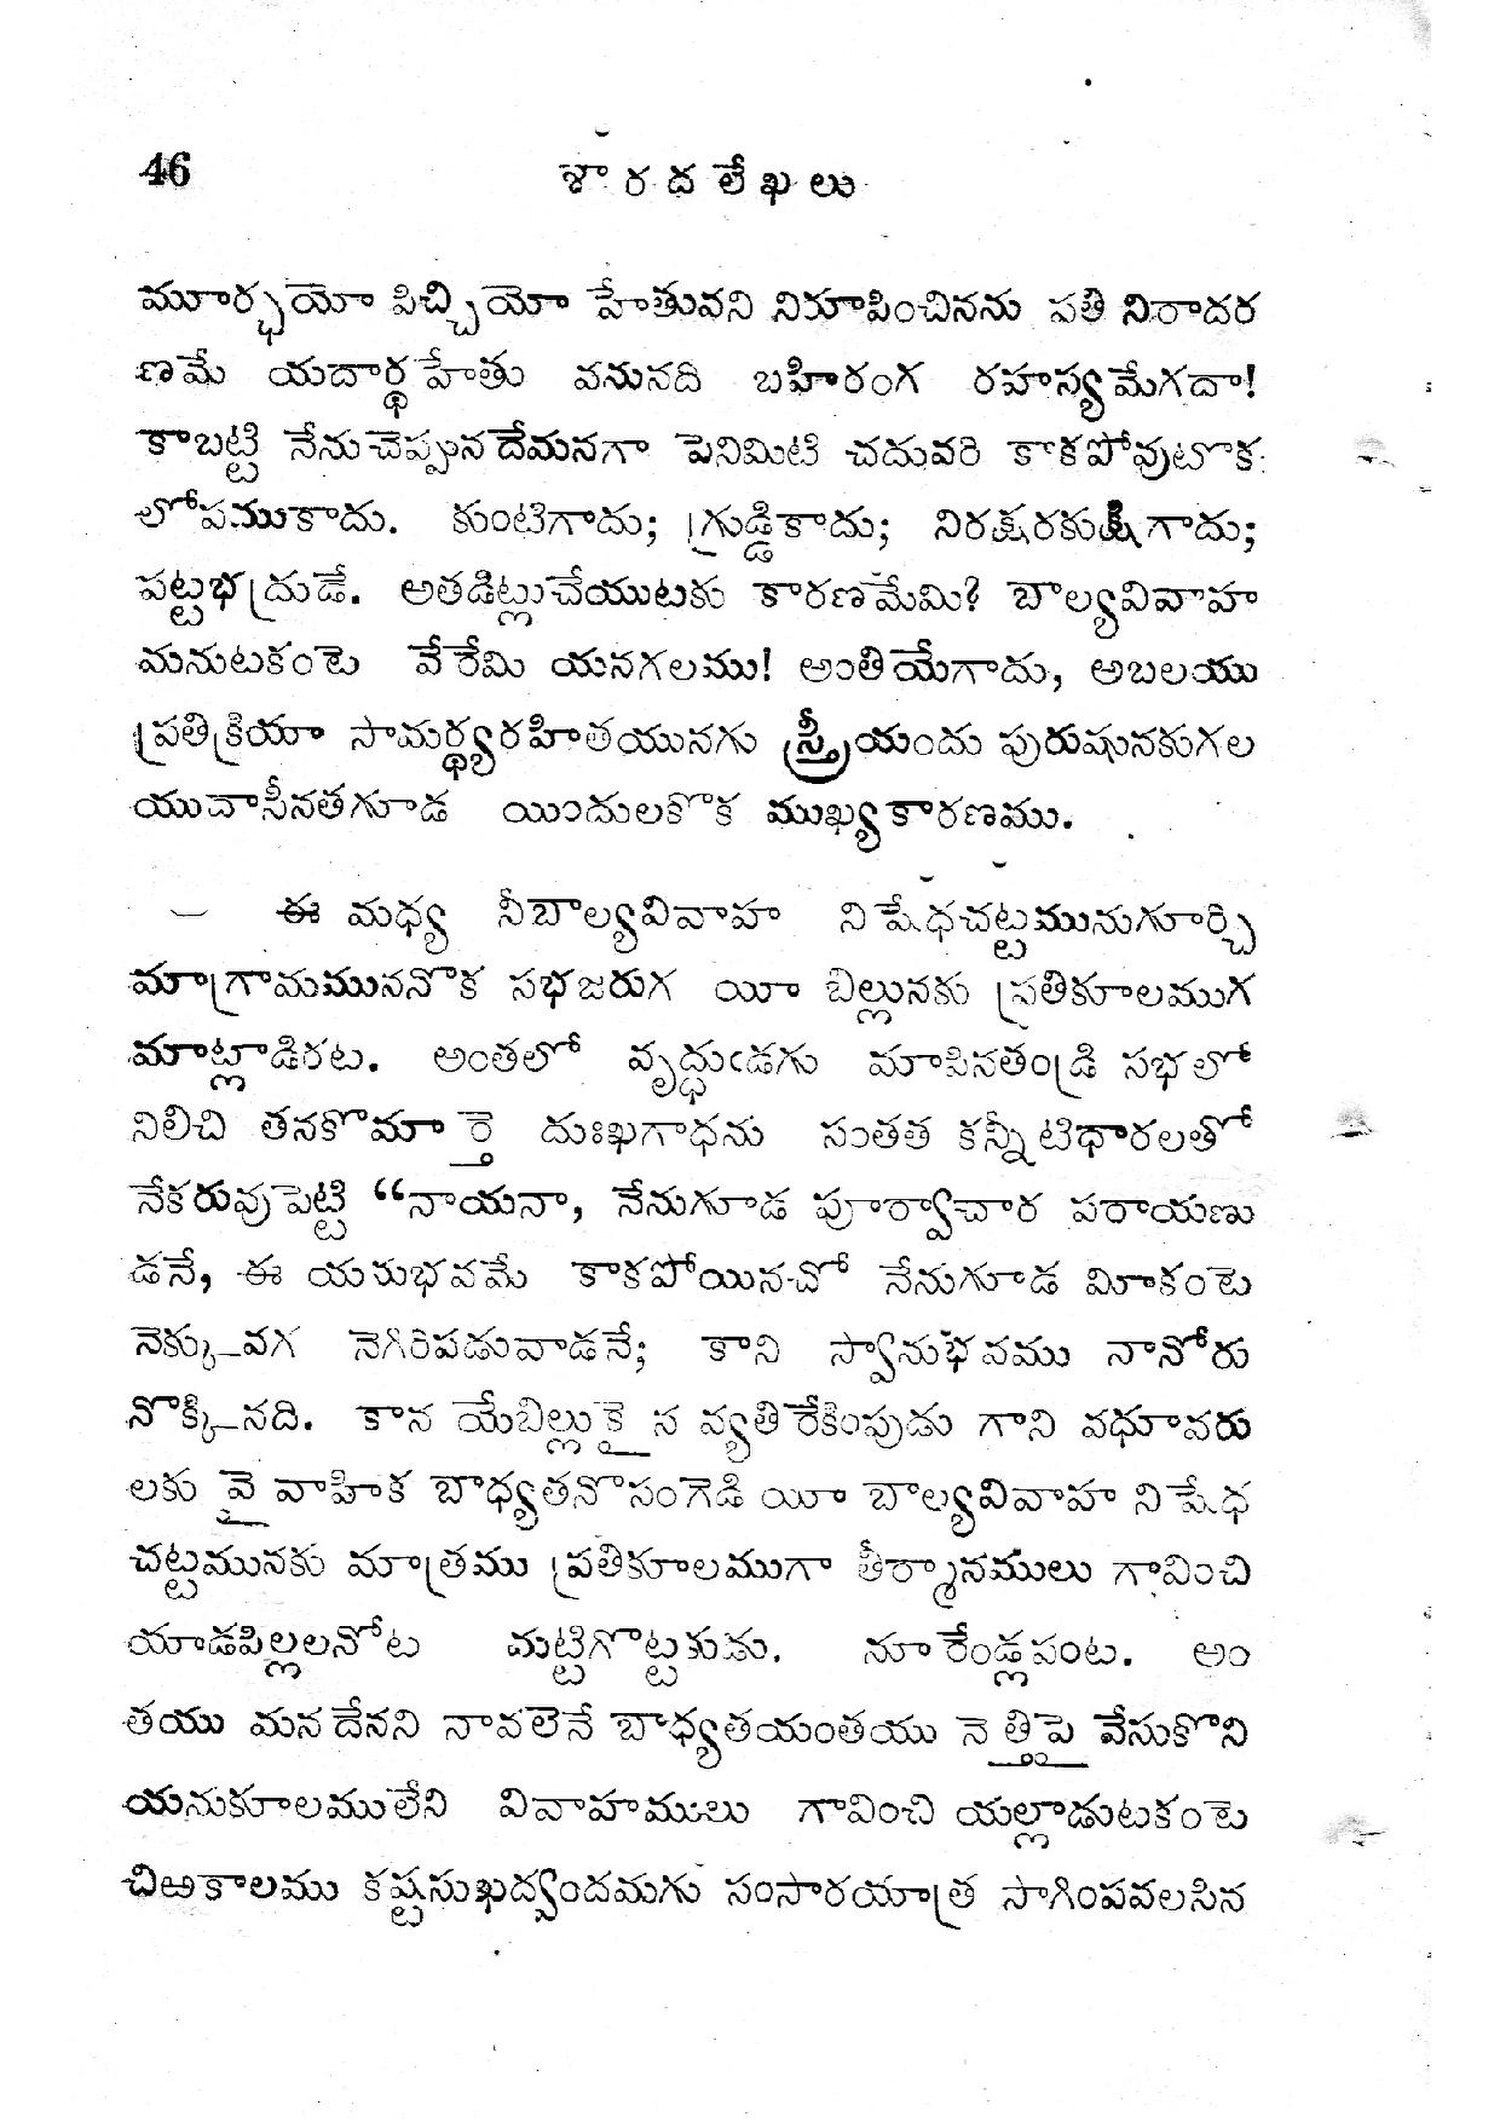మూర్ఛయో పిచ్చియో హేతువని నిరూపించినను పతి నిరాదరణమే యదార్థహేతు వనునది బహిరంగ రహస్యమేగదా! కాబట్టి నేనుచెప్పునదేమనగా పెనిమిటి చదువరి కాకపోవుటొక లోపముకాదు. కుంటిగాదు; గ్రుడ్డికాదు; నిరక్షరకుక్షిగాదు; పట్టభద్రుడే. అతడిట్లుచేయుటకు కారణమేమి? బాల్యవివాహ మనుటకంటె వేరేమి యనగలము! అంతియేగాదు, అబలయు ప్రతిక్రియా సామర్థ్యరహితయునగు స్త్రీయందు పురుషునకుగల యుదాసీనతగూడ యిందులకొక ముఖ్యకారణము.

ఈ మధ్య నీబాల్యవివాహ నిషేధచట్టమునుగూర్చి మాగ్రామముననొక సభజరుగ యీ బిల్లునకు ప్రతికూలముగ
మాట్లాడిరట. అంతలో వృద్ధుఁడగు మాపినతండ్రి సభలో నిలిచి తనకొమార్తె దుఃఖగాధను సంతత కన్నీటిధారలతో నేకరువుపెట్టి “నాయనా, నేనుగూడ పూర్వాచార పరాయణుడనే, ఈ యనుభవమే కాకపోయినచో నేనుగూడ మీకంటె నెక్కువగ నెగిరిపడువాడనే; కాని స్వానుభవము నానోరు నొక్కినది. కాన యేబిల్లుకైన వ్యతిరేకింపుడు గాని వధూవరులకు వైవాహిక బాధ్యతనొసంగెడి యీ బాల్యవివాహ నిషేధ
చట్టమునకు మాత్రము ప్రతికూలముగా తీర్మానములు గావించి యాడపిల్లలనోట మట్టిగొట్టకుడు. నూరేండ్లపంట. అంతయు మనదేనని నావలెనే బాధ్యతయంతయు నెత్తిపై వేసుకొని యనుకూలములేని వివాహములు గావించి యల్లాడుటకంటె చిఱకాలము కష్టసుఖద్వందమగు సంసారయాత్ర సాగింపవలసిన